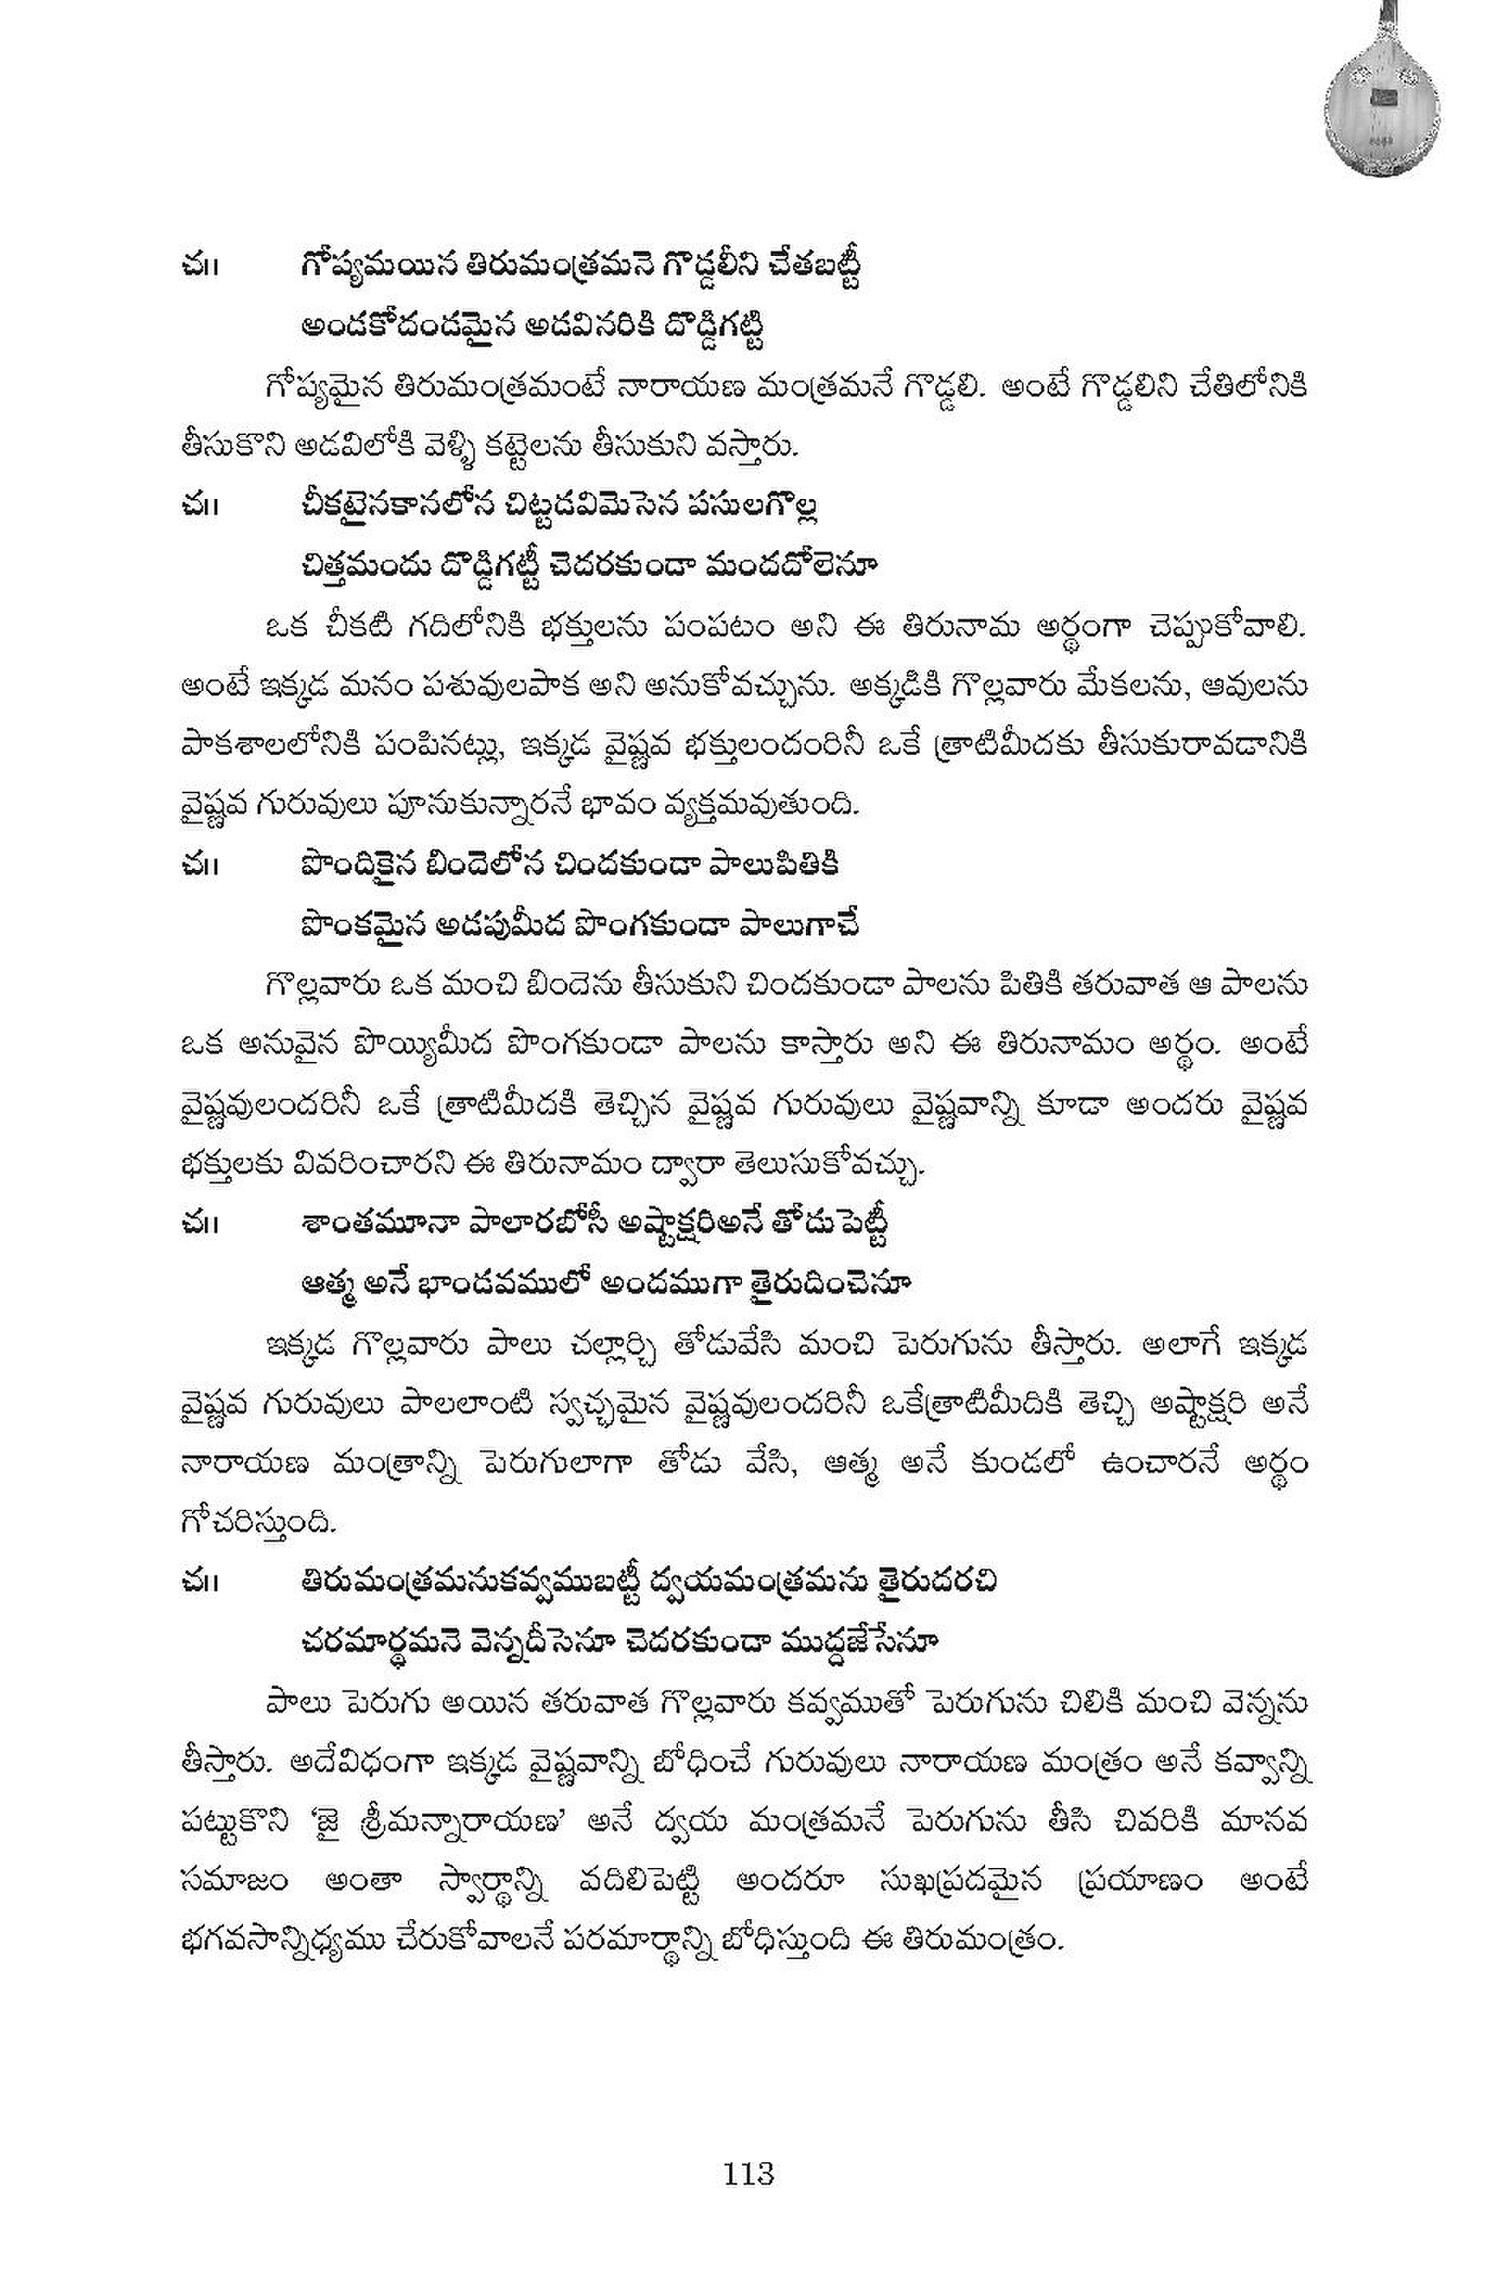చ౹౹ గోప్యమయిన తిరుమంత్రమనె గొడ్డలిని చేతబట్టీ
అండకోదండమైన అడవినరికి దొడ్డిగట్టి

గోప్యమైన తిరుమంత్రమంటే నారాయణ మంత్రమనే గొడ్డలి. అంటే గొడ్డలిని చేతిలోనికి తీసుకొని అడవిలోకి వెళ్ళి కట్టెలను తీసుకుని వస్తారు.

చ౹౹ చీకటైనకానలోన చిట్టడవిమేసెన పసులగొల్ల
చిత్తమందు దొడ్డిగట్టీ చెదరకుండా మందదోలెనూ

ఒక చీకటి గదిలోనికి భక్తులను పంపటం అని ఈ తిరునామ అర్ధంగా చెప్పుకోవాలి. అంటే ఇక్కడ మనం పశువులపాక అని అనుకోవచ్చును. అక్కడికి గొల్లవారు మేకలను, ఆవులను పాకశాలలోనికి పంపినట్లు, ఇక్కడ వైష్ణవ భక్తులందరినీ ఒకే త్రాటిమీదకు తీసుకురావడానికి వైష్ణవ గురువులు పూనుకున్నారనే భావం వ్యక్తమవుతుంది.

చ౹౹ పొందికైన బిందెలోన చిందకుండా పాలుపితికి
పొంకమైన అడపుమీద పొంగకుండా పాలుగాచే

గొల్లవారు ఒక మంచి బిందెను తీసుకుని చిందకుండా పాలను పితికి తరువాత ఆ పాలను ఒక అనువైన పొయ్యిమీద పొంగకుండా పాలను కాస్తారు అని ఈ తిరునామం అర్థం. అంటే వైష్ణవులందరినీ ఒకే త్రాటిమీదకి తెచ్చిన వైష్ణవ గురువులు వైష్ణవాన్ని కూడా అందరు వైష్ణవ భక్తులకు వివరించారని ఈ తిరునామం ద్వారా తెలుసుకోవచ్చు.

చ౹౹ శాంతమూనా పాలారబోసీ అష్టాక్షరి అనే తోడు పెట్టీ
ఆత్మ అనే భాండవములో అందముగా తైరుదించెనూ

ఇక్కడ గొల్లవారు పాలు చల్లార్చి తోడువేసి మంచి పెరుగును తీస్తారు. అలాగే ఇక్కడ వైష్ణవ గురువులు పాలలాంటి స్వచ్ఛమైన వైష్ణవులందరినీ ఒకేతాటిమీదికి తెచ్చి అష్టాక్షరి అనే నారాయణ మంత్రాన్ని పెరుగులాగా తోడు వేసి, ఆత్మ అనే కుండలో ఉంచారనే అర్థం గోచరిస్తుంది.

చ౹౹ తిరుమంత్రమనుకవ్వముబట్టీ ద్వయమంత్రమను తైరుదరచి
చరమార్థమనె వెన్నదీసెనూ చెదరకుండా ముద్దజేసేనూ

పాలు పెరుగు అయిన తరువాత గొల్లవారు కవ్వముతో పెరుగును చిలికి మంచి వెన్నను తీస్తారు. అదేవిధంగా ఇక్కడ వైష్ణవాన్ని బోధించే గురువులు నారాయణ మంత్రం అనే కవ్వాన్ని పట్టుకొని 'జై శ్రీమన్నారాయణ' అనే ద్వయ మంత్రమనే పెరుగును తీసి చివరికి మానవ సమాజం అంతా స్వార్థాన్ని వదిలిపెట్టి అందరూ సుఖప్రదమైన ప్రయాణం అంటే భగవసాన్నిధ్యము చేరుకోవాలనే పరమార్థాన్ని బోధిస్తుంది ఈ తిరుమంత్రం.